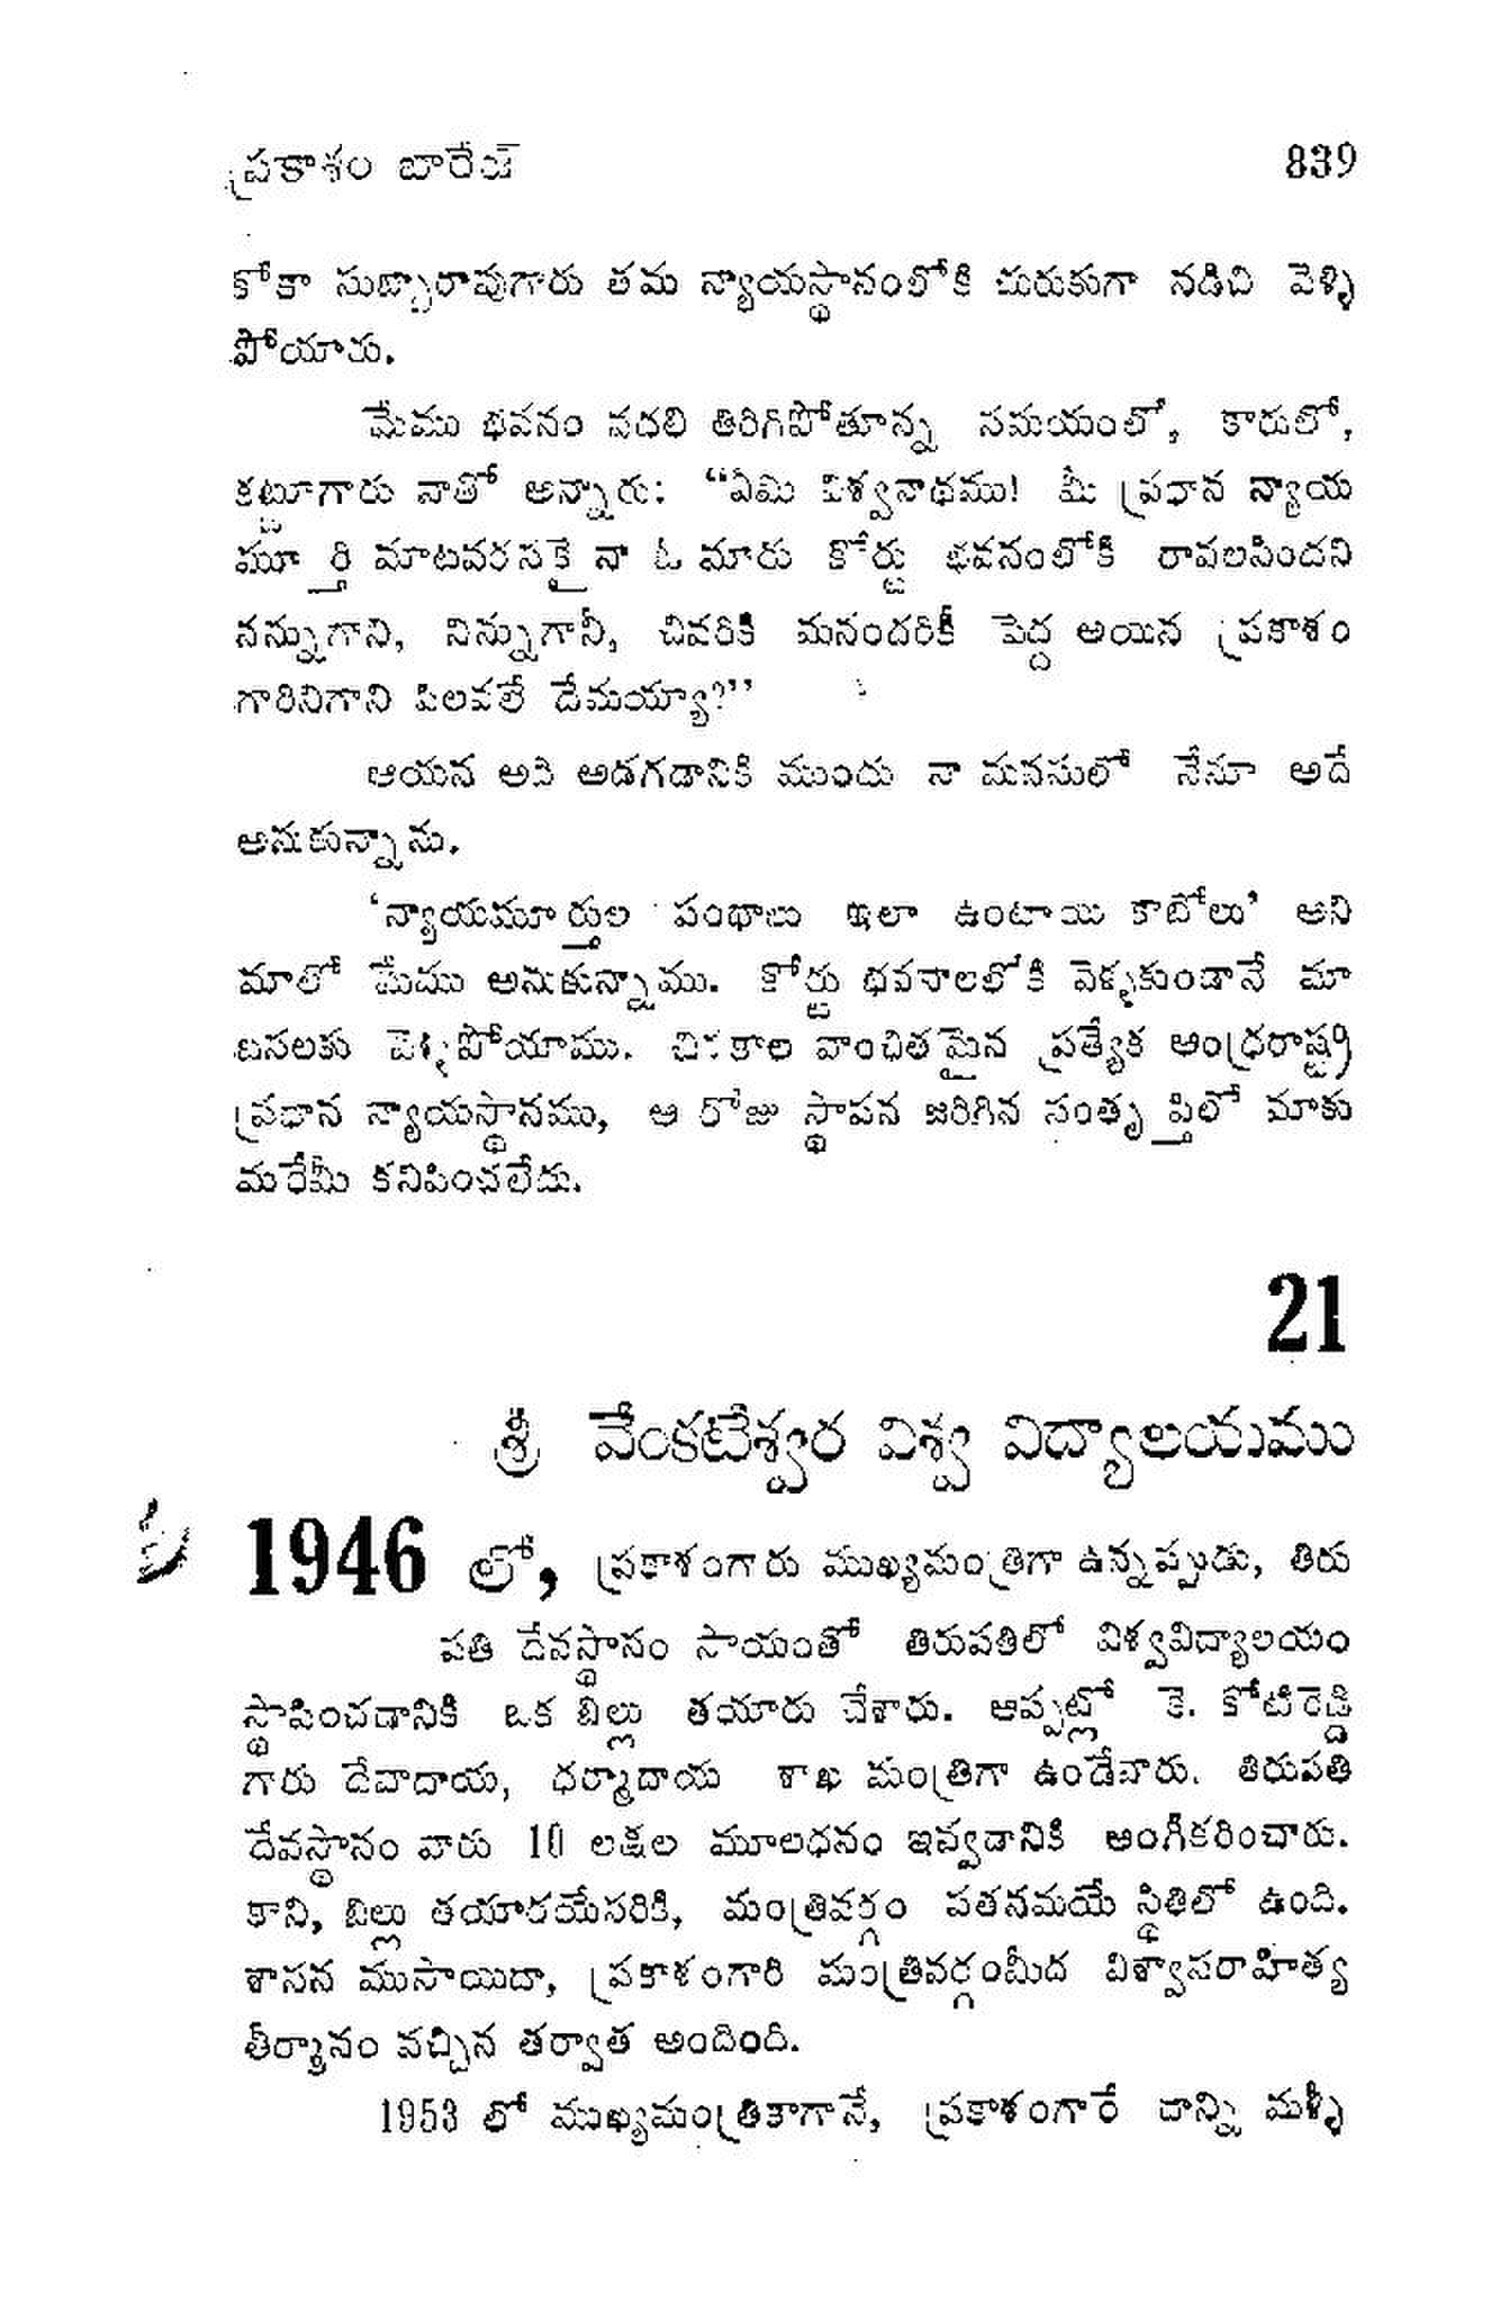కోకా సుబ్బారావుగారు తమ న్యాయస్థానంలోకి చురుకుగా నడిచి వెళ్ళి పోయారు.

మేము భవనం వదలి తిరిగిపోతూన్న సమయంలో, కారులో, కట్జూగారు నాతో అన్నారు: "ఏమి విశ్వనాథము! మీ ప్రధాన న్యాయమూర్తి మాటవరసకైనా ఓ మారు కోర్టు భవనంలోకి రావలసిందని నన్నుగాని, నిన్నుగానీ, చివరికి మనందరికీ పెద్ద అయిన ప్రకాశంగారినిగాని పిలవలే దేమయ్యా?"

ఆయన అది అడగడానికి ముందు నా మనసులో నేనూ అదే అనుకున్నాను.

'న్యాయమూర్తుల పంథాలు ఇలా ఉంటాయి కాబోలు' అని మాలో మేము అనుకున్నాము. కోర్టు భవనాలలోకి వెళ్ళకుండానే మా బసలకు వెళ్ళిపోయాము. చిరకాల వాంఛితమైన ప్రత్యేక ఆంధ్రరాష్ట్ర ప్రధాన న్యాయస్థానము, ఆ రోజు స్థాపన జరిగిన సంతృప్తిలో మాకు మరేమీ కనిపించలేదు.

1946 లో, ప్రకాశంగారు ముఖ్యమంత్రిగా ఉన్నప్పుడు, తిరుపతి దేవస్థానం సాయంతో తిరుపతిలో విశ్వవిద్యాలయం స్థాపించడానికి ఒక బిల్లు తయారు చేశారు. అప్పట్లో కె. కోటిరెడ్డిగారు దేవాదాయ, ధర్మాదాయ శాఖ మంత్రిగా ఉండేవారు. తిరుపతి దేవస్థానం వారు 10 లక్షల మూలధనం ఇవ్వడానికి అంగీకరించారు. కాని, బిల్లు తయారయేసరికి, మంత్రివర్గం పతనమయే స్థితిలో ఉంది. శాసన ముసాయిదా, ప్రకాశంగారి మంత్రివర్గంమీద విశ్వాసరాహిత్య తీర్మానం వచ్చిన తర్వాత అందింది.

1953 లో ముఖ్యమంత్రికాగానే, ప్రకాశంగారే దాన్ని మళ్ళీ